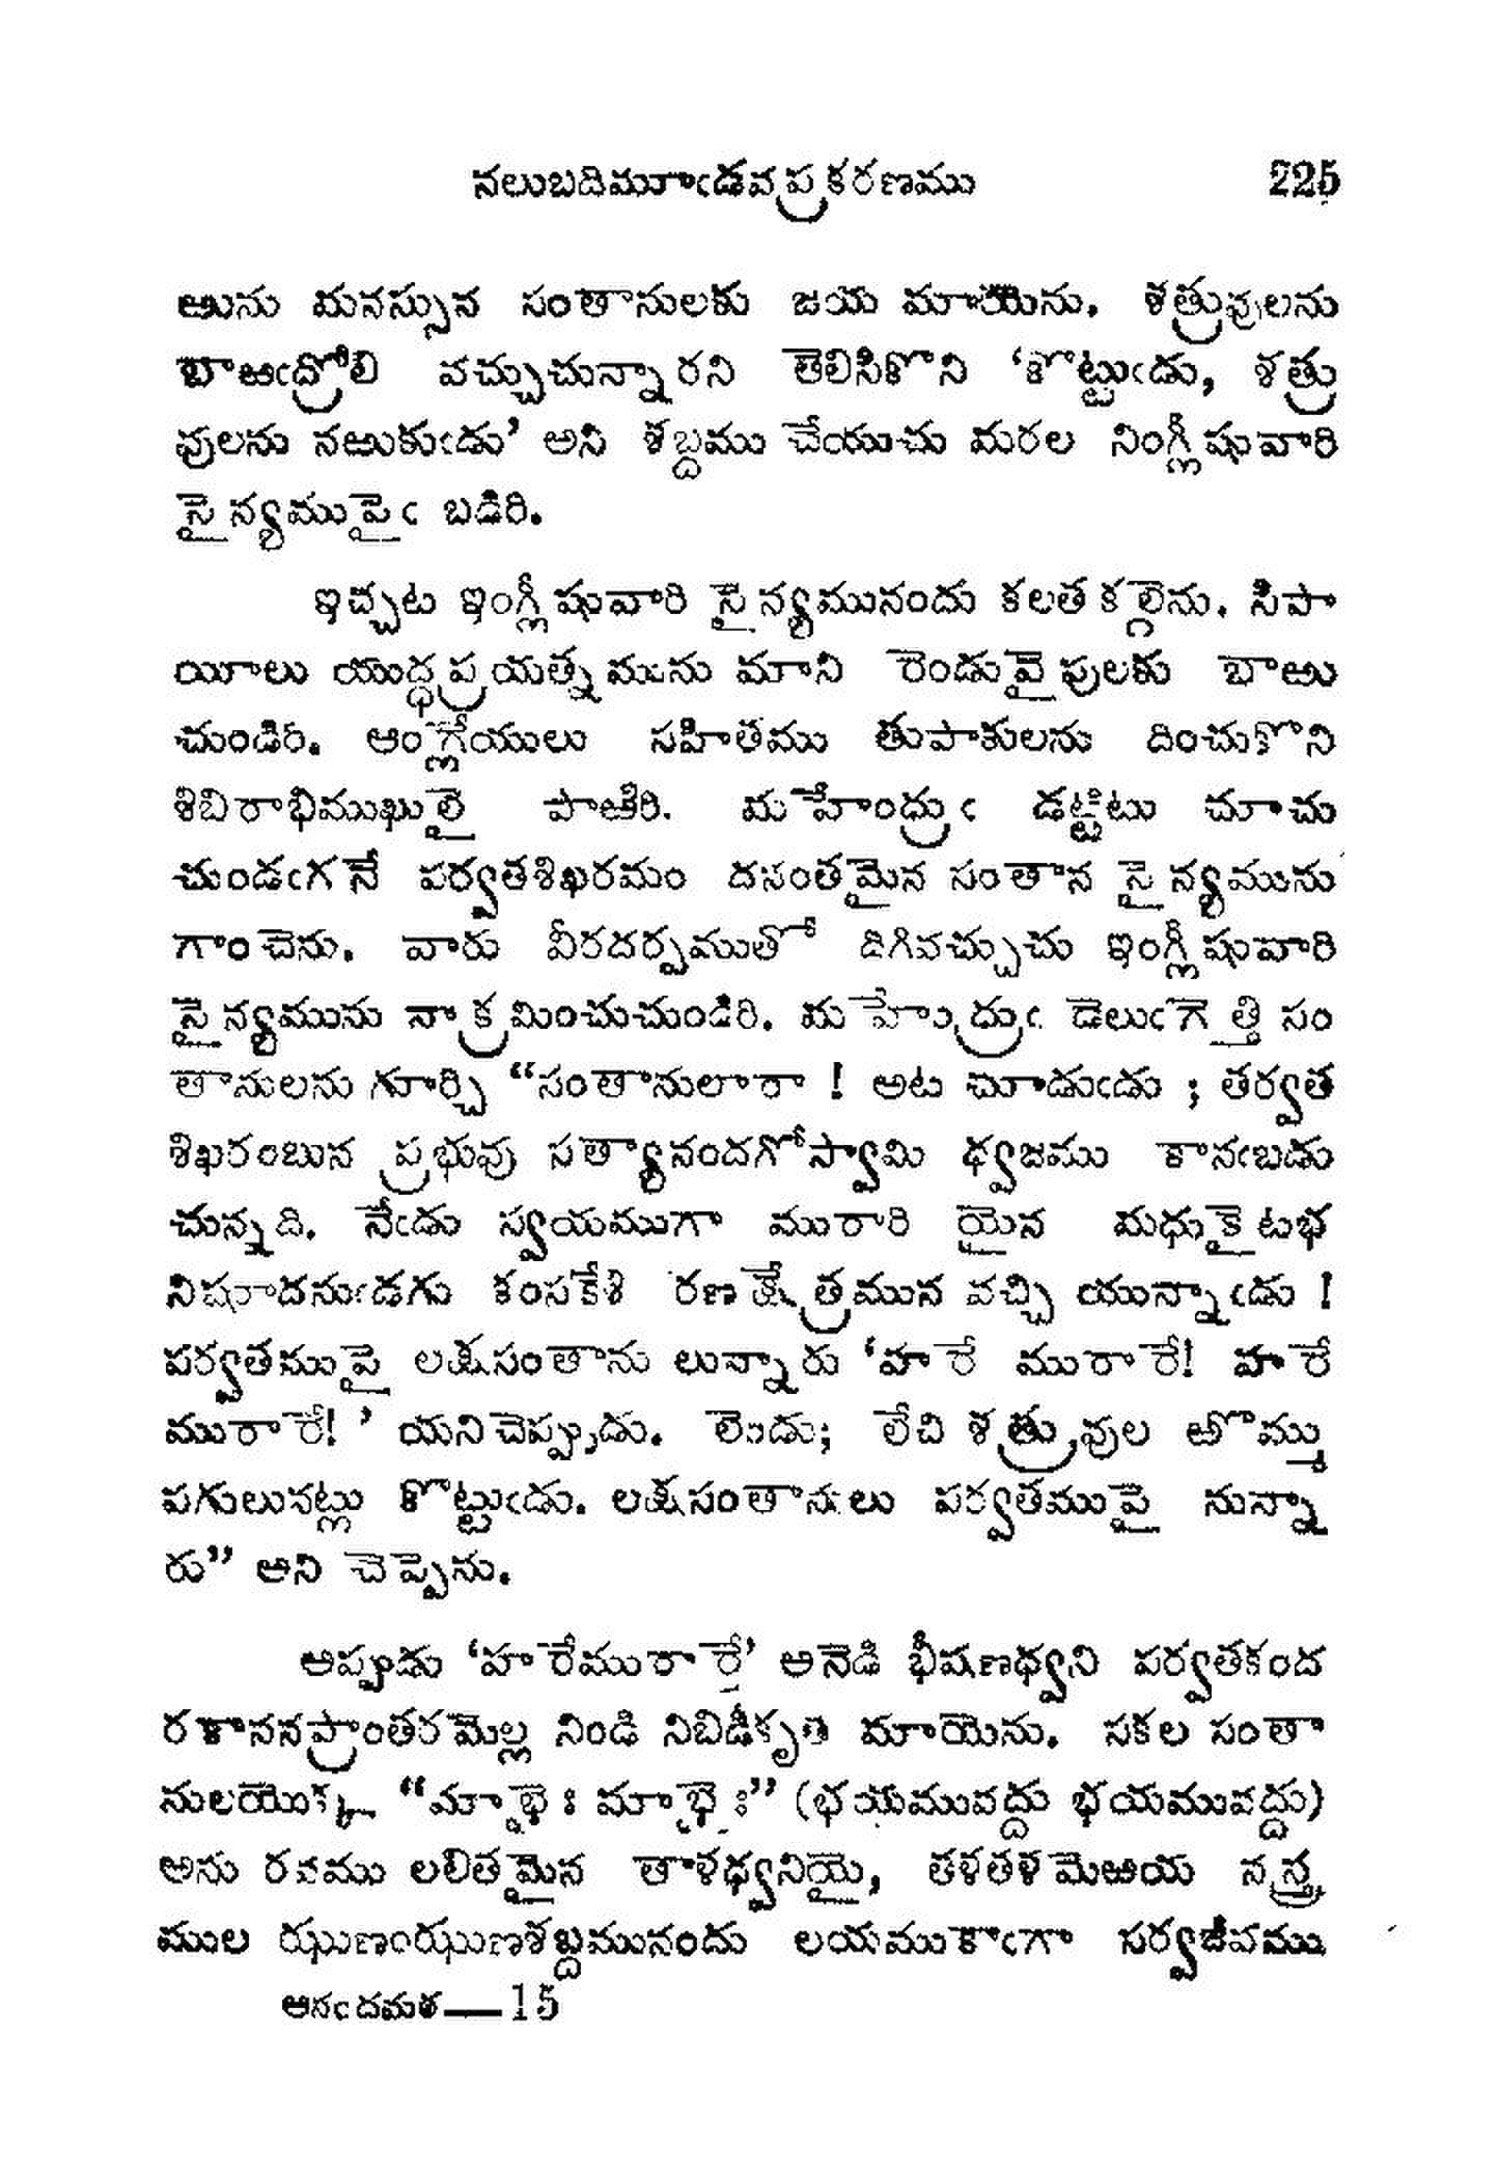ఱును మనస్సున సంతానులకు జయ మాయెను, శత్రువులను బాఱఁద్రోలి వచ్చుచున్నారని తెలిసికొని 'కొట్టుఁడు, శత్రు
వులను నఱుకుఁడు' అని శబ్దము చేయుచు మరల నింగ్లీషువారి సైన్యముపైఁ బడిరి.

ఇచ్చట ఇంగ్లీషువారి సైన్యమునందు కలత కల్లెను. సిపాయీలు యుద్ధ ప్రయత్నమును మాని రెండు వైపులకు బాఱు
చుండిరి. ఆంగ్లేయులు సహితము తుపాకులను దించుకొని శిబిరాభిముఖులై పాఱిరి. మహేంద్రుఁ డట్టిటు చూచుచుండఁగనే పర్వతశిఖరమం దనంతమైన సంతాన సైన్యమును గాంచెను. వారు వీరదర్పముతో దిగివచ్చుచు ఇంగ్లీషువారి సైన్యమును నాక్రమించుచుండిరి. మహేంద్రుఁ డెలుఁగెత్తి సంతానులను గూర్చి “సంతానులారా ! అట చూడుఁడు; తర్వత శిఖరంబున ప్రభువు సత్యానందగోస్వామి ధ్వజము కానఁబడు చున్నది. నేడు స్వయముగా మురారి యైన మధుకైటభ నిషూదనుఁడగు కంసకేశి 'రణ క్షేత్రమున వచ్చి యున్నాఁడు! పర్వతముపై లక్షసంతాను లున్నారు 'హరే మురారే! హరే మురారే! ' యని చెప్పుడు. లెండు; లేచి శత్రువుల ఱోమ్ము పగులునట్లు కొట్టుఁడు. లక్ష సంతానులు పర్వతముపై నున్నారు” అని చెప్పెను.

అప్పుడు 'హరేమురారె' అనెడి భీషణధ్వని పర్వతకంద రకాననన ప్రాంతర మెల్ల నిండి నిబిడీకృత మాయెను. సకల సంతా
నులయొక్క “మాభైః మాభైః ” (భయమువద్దు భయమువద్దు) అను రవము లలితమైన తాళధ్వనియై, తళతళ మెఱయ నస్త్ర
ముల ఝుణంఝుణశబ్దమునందు లయముకాఁగా సర్వజీవము